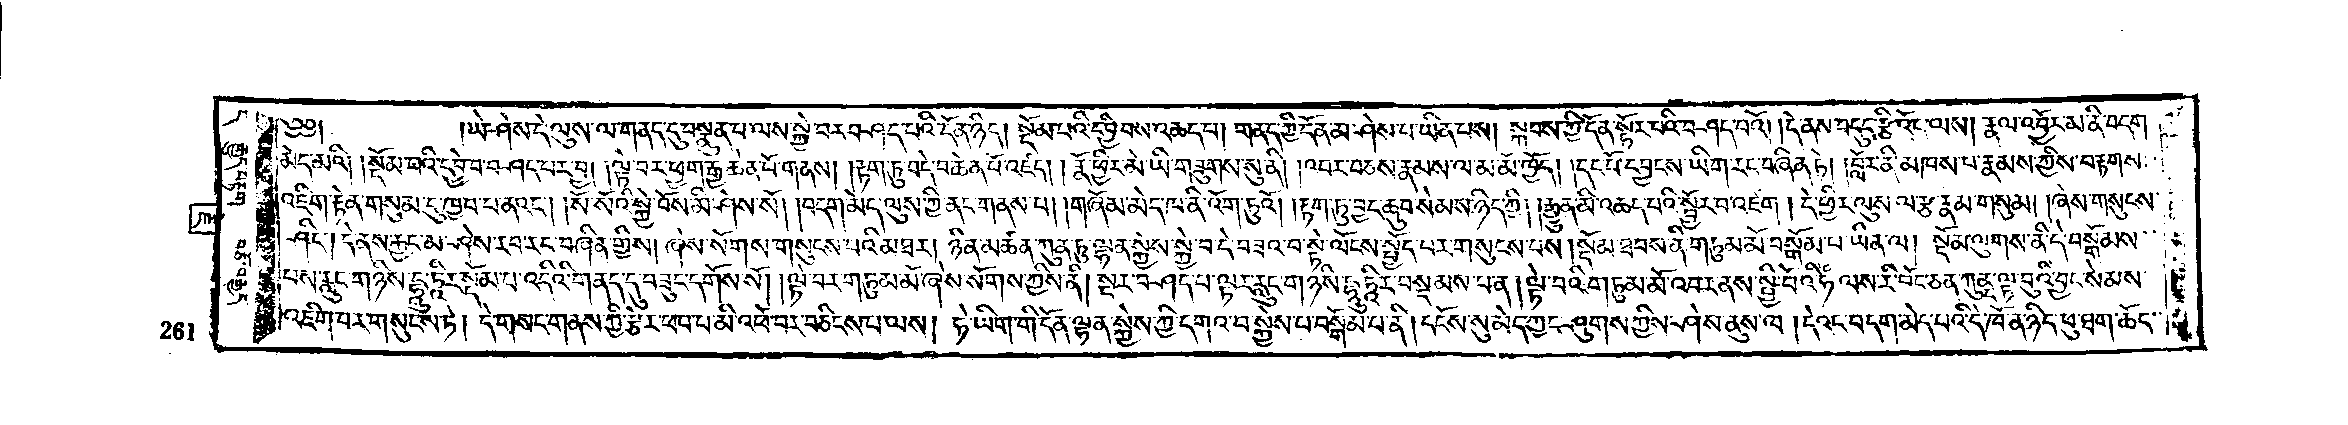༄༅། །ཡེ་ཤེས་དེ་ལུས་ལ་གནད་དུ་བསྣུན་པ་ལས་སྐྱེ་བར་བཤད་པའི་དོན་ཉིད། སྡོམ་པའི་དབྱིབས་འཆད་པ། གནད་ཀྱི་དོན་མ་ཤེས་པ་ཡིན་པས། སྐབས་ཀྱི་དོན་སྟོར་བའི་བཤད་པའོ། །དེ་ནས་བདུད་རྩི་འོད་ལས། རྣལ་འབྱོར་མ་ནི་བདག་
མེད་མའི། །སྡོམ་པའི་དབྱེ་བ་བཤད་པར་བྱ། །ལྟེ་བར་ཕྱག་རྒྱ་ཆེན་པོ་གནས། །རྟག་ཏུ་བདེ་བ་ཆེན་པོ་མཛད། །རྣོ་ཕྱིར་མེ་ཡི་གཟུགས་སུ་ནི། །འབར་བཅས་རྣམས་ལ་མ་མོ་ཁྱོད། །དང་པོ་དབྱངས་ཡིག་རང་བཞིན་ཏེ། །བློར་ནི་མཁས་པ་རྣམས་ཀྱིས་བརྟགས་
འཇིག་རྟེན་གསུམ་དུ་ཁྱབ་པ་ནའང་། །སོ་སོའི་སྐྱེ་བོས་མི་ཤེས་སོ། །བདག་མེད་ལུས་ཀྱི་ནང་གནས་པ། །གཞོམ་མེད་ཁ་ནི་འོག་ཏུའོ། །རྟག་ཏུ་བྱང་ཆུབ་སེམས་ཉིད་ཀྱི། །རྒྱུན་མི་འཆད་པའི་སྦྱོར་བ་འཛག །དེ་ཕྱིར་ལུས་ལ་རྩ་རྣམ་གསུམ། །ཞེས་གསུངས་
ཤིང་། དེ་ནས་རྐྱང་མ་ཤེས་རབ་རང་བཞིན་གྱིས། ཞེས་སོགས་གསུངས་པའི་མཐར། ཉིན་མཚན་ཀུན་ཏུ་ལྷན་སྐྱེས་སྐྱེ་བ་དེ་བཟའ་བ་སྟེ་ལོངས་སྤྱོད་པར་གསུངས་པས། སྡོམ་ཐབས་ནི་གཏུམ་མོ་བསྒོམ་པ་ཡིན་ལ། སྡོམ་ལུགས་ནི་དེ་བསྒོམས་
པས་རླུང་གཉིས་དྷཱུ་ཏཱིར་སྡོམ་པ་འདིའི་གནད་དུ་བཟུང་དགོས་སོ། །ལྟེ་བར་གཏུམ་མོ་ཞེས་སོགས་ཀྱིས་ནི། སྔར་བཤད་པ་ལྟར་རླུང་གཉིས་དྷཱུ་ཏཱིར་བསྡམས་པ་ན། ལྟེ་བའི་གཏུམ་མོ་འབར་ནས་སྤྱི་བོའི་ཧཾ་ལས་རི་བོང་ཅན་ཀུནྡ་ལྟ་བུའི་བྱང་སེམས་
འཇིག་པར་གསུངས་ཏེ། དེ་གསང་གནས་ཀྱི་རྩེར་ཕབ་པ་མི་འཕོ་བར་བཅིངས་པ་ལས། ཧེ་ཡིག་གི་དོན་ལྷན་སྐྱེས་ཀྱི་དགའ་བ་སྐྱེས་པ་བསྒོམ་པ་ནི། དངོས་སུ་མེད་ཀྱང་ཤུགས་ཀྱིས་ཤེས་ནུས་ལ། དེའང་བདག་མེད་པའི་དེ་ཁོ་ན་ཉིད་ཕུ་ཐག་ཆོད་